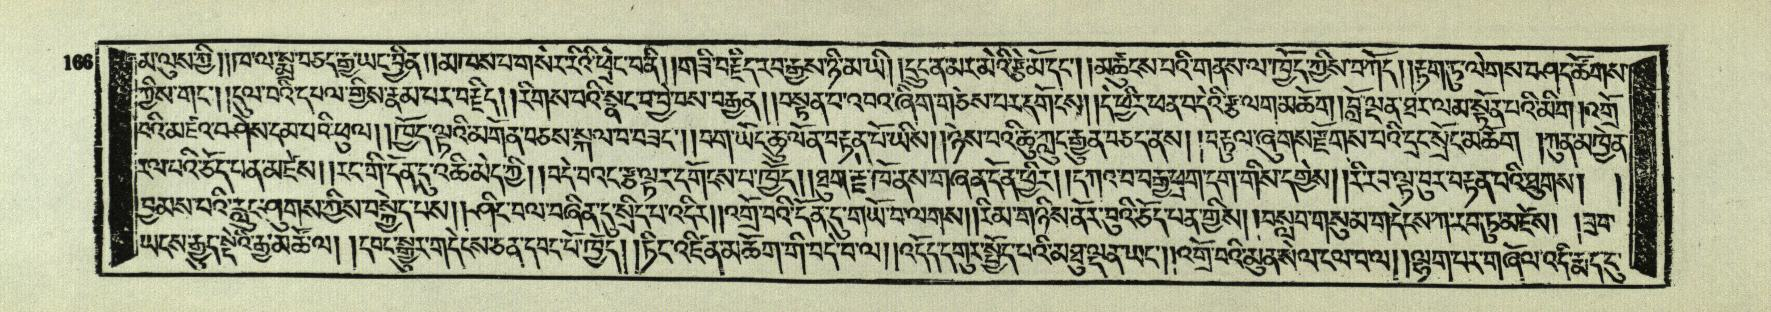མ་ལུས་ཀྱི། །ཁ་ལ་སྨྲ་བཅད་རྒྱ་ཡང་བྱིན། །མཁས་པ་གསེར་རིའི་ཕྲེང་བ་ནི། །གཟི་བརྗིད་རབ་རྒྱས་ཉི་མ་ཡི། །དྲུང་ན་མར་མེའི་རྩེ་མོ་དང་། །མཚུངས་པའི་གནས་ལ་ཁྱོད་ཀྱིས་བཀོད། །རྟག་ཏུ་ལེགས་བཤད་ཚོགས་
ཀྱིས་གང་། །དུལ་བའི་དཔལ་གྱིས་རྣམ་པར་བརྗིད། །རིགས་པའི་སྣང་བ་བྱེ་བས་བརྒྱན། །བསྟན་པ་འབའ་ཞིག་གཅེས་པར་དགོངས། །དེ་ཕྱིར་ཕན་བདེའི་རྩ་ལག་མཆོག །བློ་ལྡན་ཐར་ལམ་སྟོན་པའི་མིག །འགྲོ་
བའི་མཛའ་བཤེས་དམ་པའི་ཕུལ། །ཁྱོད་ལྟའི་མགོན་བཅས་སྐལ་བ་བཟང་། །བག་ཡོང་ཆུ་ལོན་བརྟན་པོ་ཡིས། །ཉེས་པའི་ཆུ་ཀླུང་རྒྱུན་བཅད་ནས། །བརྟུལ་ཞུགས་རྫོགས་པའི་དྲང་སྲོང་མཆོག །ཀུན་མཁྱེན་
རལ་པའི་ཆོད་པན་མཛེས། །རང་གི་དོན་དུ་འཆི་མེད་ཀྱི། །བདེ་བའང་རྩ་ལྟར་དགོངས་པ་ཁྱོད། །ཐུག་རྗེ་ཁོ་ནས་གཞན་དོན་ཕྱིར། །དཀའ་བ་བརྒྱ་ཕྲག་དག་གིས་དགྱེས། །རི་རབ་ལྟ་བུར་བརྟན་པའི་ཐུགས། །
བྱམས་པའི་རླུང་ཤུགས་ཀྱིས་བསྐྱེད་པས། །ཤིང་བལ་བཞིན་དུ་སྲིད་པ་འདིར། །འགྲོ་བའི་དོན་དུ་གཡོ་བ་ལགས། །རིམ་གཉིས་ནོར་བུའི་ཅོད་པན་གྱིས། །བསླབ་གསུམ་གདེངས་ཀ་རབ་ཏུ་མཛེས། །ཟབ་
ཡངས་རྒྱུད་སྡེའི་རྒྱ་མཚོ་ལ། །དབང་སྒྱུར་གདེངས་ཅན་དབང་པོ་ཁྱོད། །ཏིང་འཛིན་མཆོག་གི་བདེ་བ་ལ། །འདོད་དགུར་སྤྱོད་པའི་མཐུ་ལྡན་ཡང་། །འགྲོ་བའི་མུན་སེལ་ངལ་བ་ལ། །ལྷག་པར་གཞོལ་འདི་རྨད་དུ་